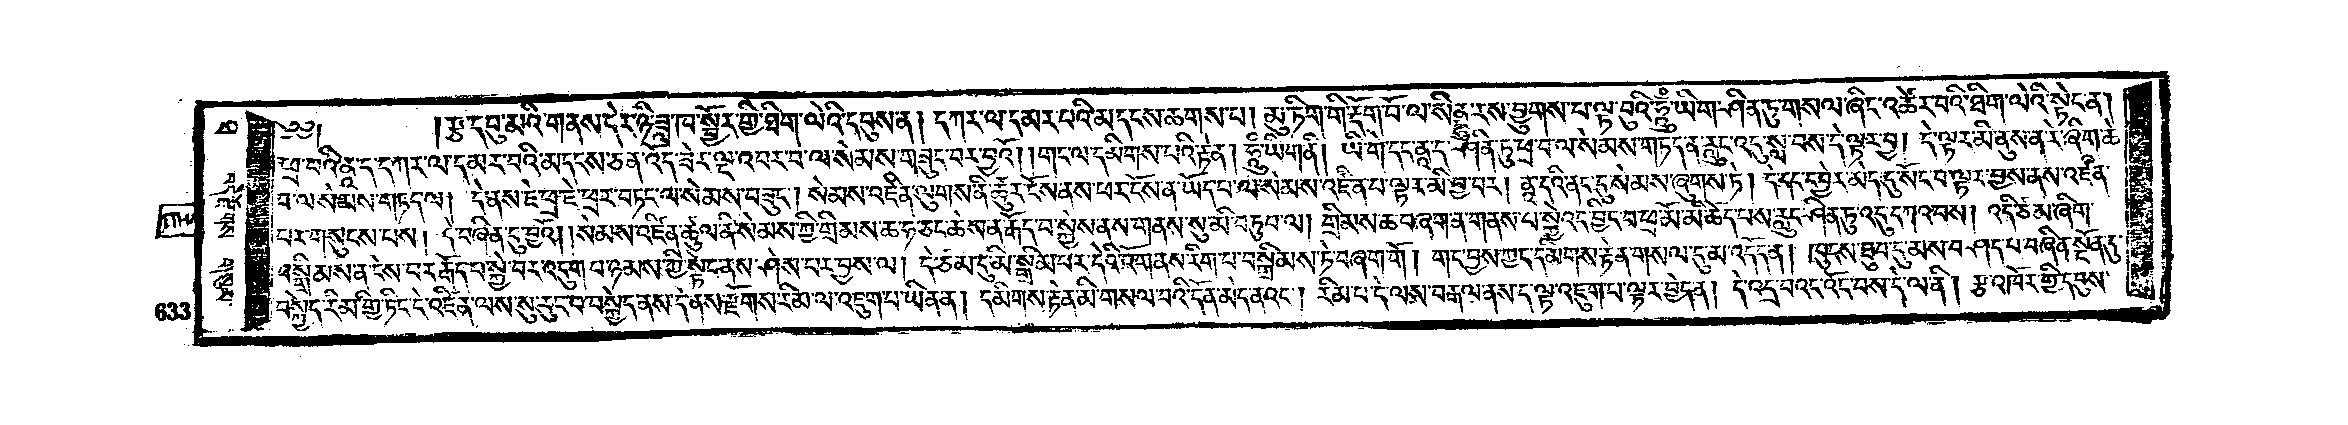༄༅། །རྩ་དབུ་མའི་གནས་དེར་ཉི་ཟླ་ཁ་སྦྱོར་གྱི་ཐིག་ལེའི་དབུས་ན། དཀར་ལ་དམར་པའི་མདངས་ཆགས་པ། མུ་ཏིག་གི་རྡོག་པོ་ལ་སིནྡྷུ་རས་བྱུགས་པ་ལྟ་བུའི་ཧཱུཾ་ཡིག་ཤིན་ཏུ་གསལ་ཞིང་འཚེར་བའི་ཐིག་ལེའི་སྟེང་ན།
ཕྲ་བའི་ནཱ་ད་དཀར་ལ་དམར་བའི་མདངས་ཅན་འོད་ཟེར་ལྔ་འབར་བ་ལ་སེམས་གཟུང་བར་བྱའོ། །གང་ལ་དམིགས་པའི་རྟེན། ཧཱུཾ་ཡིག་ནི། ཡི་གེ་དང་ནཱ་ད་ཤིན་ཏུ་ཕྲ་བ་ལ་སེམས་གཏད་ན་རླུང་འདུ་སླ་བས་དེ་ལྟར་བྱ། དེ་ལྟར་མི་ནུས་ན་རེ་ཞིག་ཆེ་
བ་ལ་སེམས་གཏད་ལ། དེ་ནས་ཇེ་ཕྲ་ཇེ་ཕྲར་བཏང་ལ་སེམས་བཟུང་། སེམས་འཛིན་ལུགས་ནི་ཚུར་ངོས་ནས་ཕར་ངོས་ན་ཡོད་པ་ལ་སེམས་འཛིན་པ་ལྟར་མི་བྱ་བར། ནཱ་དའི་ནང་དུ་སེམས་ཞུགས་ཏེ། དེ་དང་དབྱེར་མེད་དུ་སོང་བ་ལྟར་བྱས་ནས་འཛིན་
པར་གསུངས་པས། དེ་བཞིན་དུ་བྱའོ། །སེམས་འཛིན་ཚུལ་ནི་སེམས་ཀྱི་གྲིམས་ཆ་ཧ་ཅང་ཆེས་ན་རྒོད་པ་སྐྱེས་ནས་གནས་སུ་མི་བཏུབ་ལ། གྲིམས་ཆ་བཞག་ན་གནས་པ་སྐྱེའང་བྱིང་བ་ཕྲ་མོ་མི་ཆོད་པས་རླུང་ཤིན་ཏུ་འདུ་དཀའ་བས། འདི་ཙམ་ཞིག་
བསྒྲིམས་ན་ངེས་པར་རྒོད་པ་སྐྱེ་བར་འདུག་པ་ཉམས་ཀྱི་སྟེང་ནས་ཤེས་པར་བྱས་ལ། དེ་ཙམ་དུ་མི་སྒྲིམ་པར་དེའི་འོག་ནས་རིག་པ་བསྒྲིམས་ཏེ་བཞག་གོ །གང་བྱས་ཀྱང་དམིགས་རྟེན་གསལ་དུ་མ་འདོད་ན། ཁུངས་ཐུབ་དུ་མས་བཤད་པ་བཞིན་སྔོན་དུ་
བསྐྱེད་རིམ་གྱི་ཏིང་ངེ་འཛིན་ལས་སུ་རུང་བ་བསྐྱེད་ནས་དེ་ནས་རྫོགས་རིམ་ལ་འཇུག་པ་ཡིན་ན། དམིགས་རྟེན་མི་གསལ་བའི་དོན་མེད་ནའང་། རིམ་པ་དེ་ལས་བརྒལ་ནས་ད་ལྟ་འཇུག་པ་ལྟར་བྱེད་ན། དེ་འདྲ་བའང་འོང་བས་དེ་ལ་ནི། རྩ་འཁོར་གྱི་དབུས་